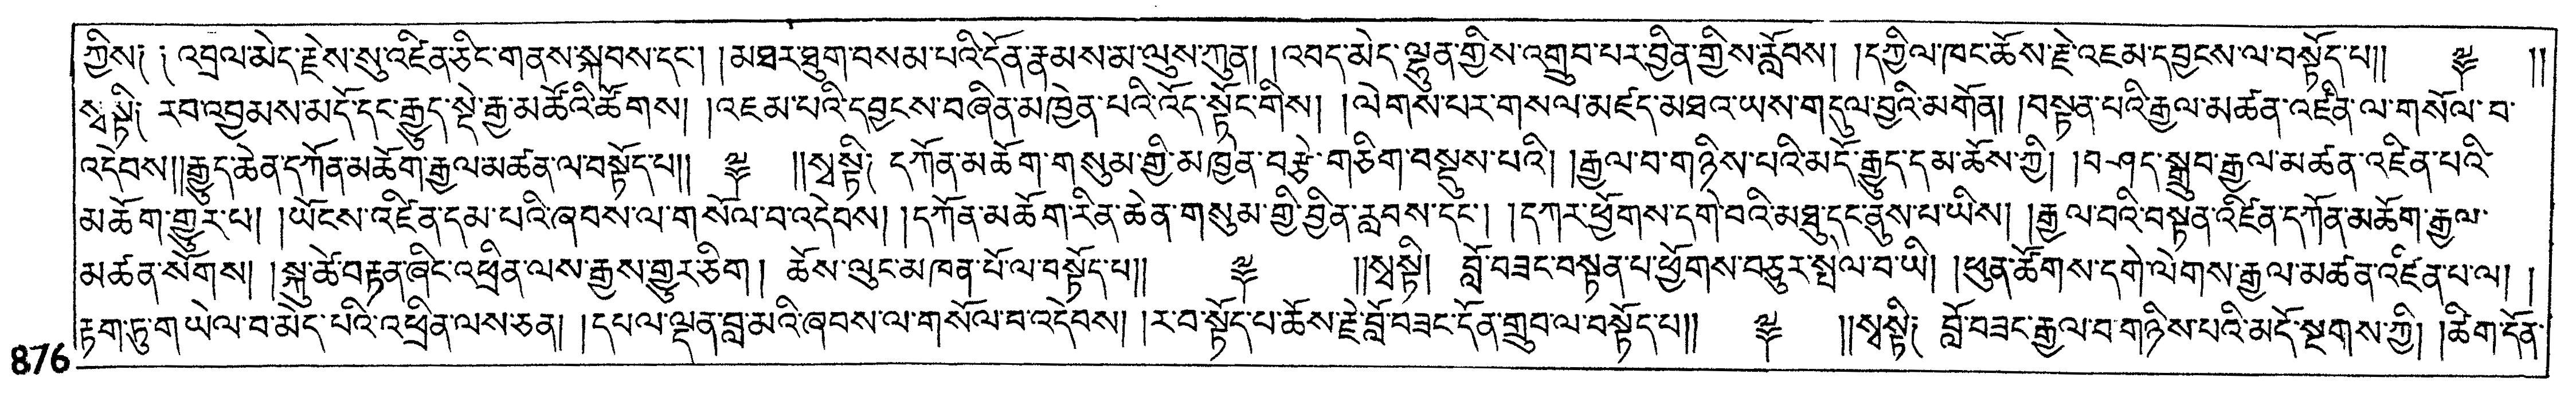ཀྱིས༑ ༑འབྲལ་མེད་རྗེས་སུ་འཛིན་ཅིང་གནས་སྐབས་དང་། །མཐར་ཐུག་བསམ་པའི་དོན་རྣམས་མ་ལུས་ཀུན། །འབད་མེད་ལྷུན་གྱིས་འགྲུབ་པར་བྱིན་གྱིས་རློབས། །དཀྱིལ་ཁང་ཆོས་རྗེ་འཇམ་དབྱངས་ལ་བསྟོད་པ།། ༈ །།
སྭསྟི། རབ་འབྱམས་མདོ་དང་རྒྱུད་སྡེ་རྒྱ་མཚོའི་ཚོགས། །འཇམ་།འཇམ་པའི་དབྱངས་བཞིན་མཁྱེན་པའི་འོད་སྟོང་གིས། །ལེགས་པར་གསལ་མཛད་མཐའ་ཡས་གདུལ་བྱའི་མགོན། །བསྟན་པའི་རྒྱལ་མཚན་འཛིན་ལ་གསོལ་བ་
འདེབས། །རྒྱུད་ཆེན་དཀོན་མཆོག་རྒྱལ་མཚན་ལ་བསྟོད་པ།། ༈ །།སྭསྟི༑ དཀོན་མཆོག་གསུམ་གྱི་མཁྱེན་བརྩེ་གཅིག་བསྡུས་པའི། །རྒྱལ་བ་གཉིས་པའི་མདོ་རྒྱུད་དམ་ཆོས་ཀྱི། །བཤད་སྒྲུབ་རྒྱལ་མཚན་འཛིན་པའི་
མཆོག་གྱུར་པ། །ཡོངས་འཛིན་དམ་པའི་ཞབས་ལ་གསོལ་བ་འདེབས། །དཀོན་མཆོག་རིན་ཆེན་གསུམ་གྱི་བྱིན་རླབས་དང་། །དཀར་ཕྱོགས་དགེ་བའི་མཐུ་དང་ནུས་པ་ཡིས། །རྒྱལ་བའི་བསྟན་འཛིན་དཀོན་མཆོག་རྒྱལ་
མཚན་སོགས། །སྐུ་ཚེ་བརྟན་ཞིང་འཕྲིན་ལས་རྒྱས་གྱུར་ཅིག །ཆོས་ལུང་མཁན་པོ་ལ་བསྟོད་པ།། ༈ །།སྭསྟི། བློ་བཟང་བསྟན་པ་ཕྱོགས་བཅུར་སྤེལ་བ་ཡི། །ཕུན་ཚོགས་དགེ་ལེགས་རྒྱལ་མཚན་འཛིན་པ་ལ། །
རྟག་ཏུ་གཡེལ་བ་མེད་པའི་འཕྲིན་ལས་ཅན། །དཔལ་ལྡན་བླ་མའི་ཞབས་ལ་གསོལ་བ་འདེབས། །ར་བ་སྟོད་པ་ཆོས་རྗེ་བློ་བཟང་དོན་གྲུབ་ལ་བསྟོད་པ།། ༈ །།སྭསྟི༑ བློ་བཟང་རྒྱལ་བ་གཉིས་པའི་མདོ་སྔགས་ཀྱི། །ཚིག་དོན་